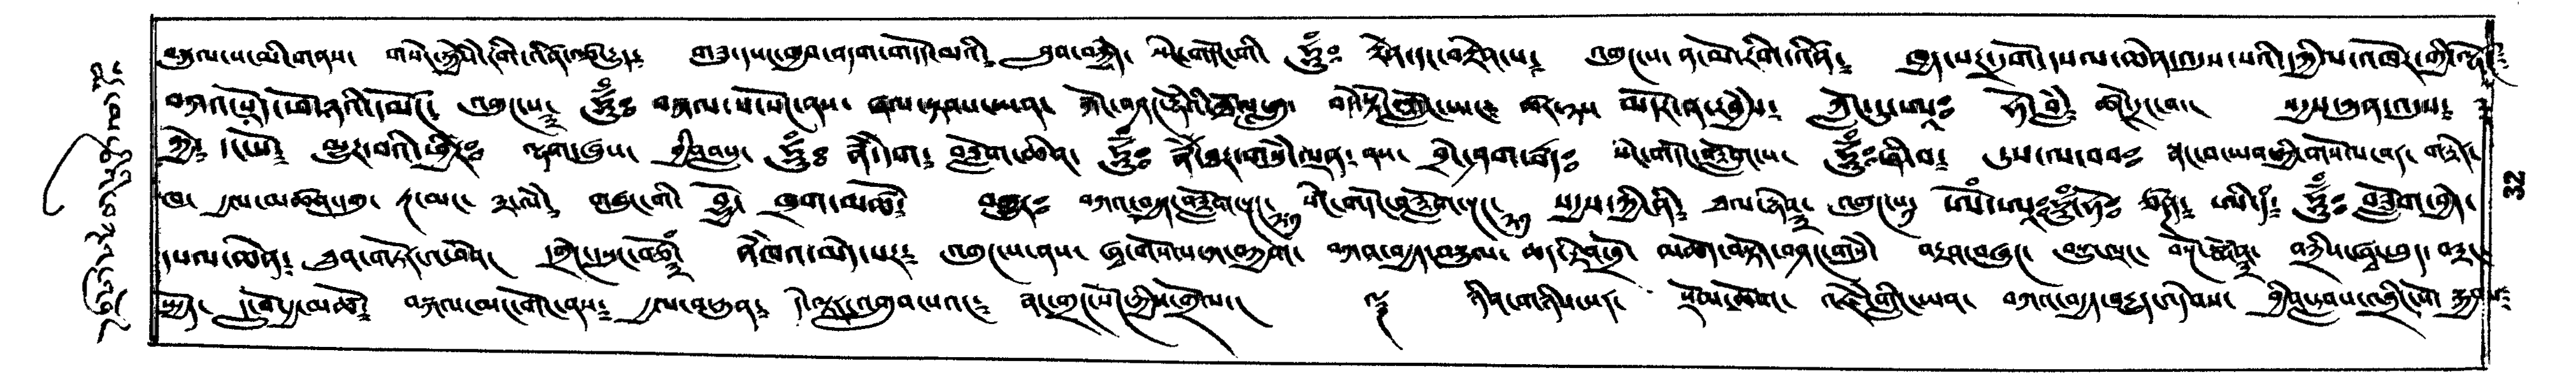བསྐུལ་པ། ཧཱུྃཿ མི་གནས༴ གསེར་སྐྱེམས། རིག་འཛིན་རྩ་རྒྱུད༴ གཟུ་དཔང་། ཁྱབ་བདག་གདོད་མའི༴ བྲུ་བསྐྱེད། སེང་གདོང་གི། ཧཱུྂཿ རྟེན་དང་བརྟེན་པ༴ འགུགས་པ། ན་མོ། རིག་འཛིན༴ ཁྱད་པར་དྲག་པོ་དཔལ་ཆེན་འདུས་པའི་དཀྱིལ་འཁོར་གྱི་ལྷ་ཚོགས༴ 
བཀའ་སྡོད་ཕོ་ཉའི་དམག་ཚོགས༴ འགུགས་པ་གསུམ། ཧཱུྃཿ བསྐལ་པ་སོགས་ནས། ཞལ་སྟབ་ཡན། སྐོང་བཤག་རྡོ་རྗེའི་ཐོལ་གླུ། བདེ་སྟོང་ཀློང་ཡངས༴ ཚར་ཉེར་ལྔ། མདོར་ན་རབ་བྱམས༴ ཀློང་དུ་ཨཱཿ ཧོ། བླ་མ༴ ཚོགས་དྲང་བ། སངས་རྒྱས་ཀུན་འདུས༴ 
ཀྱཻཿ དང་པོ༴ མྱུར་བའི་ཕྱིརཿ ལྷག་ཞུས། བྱིན་བརླབས། ཧཱུྃཿ རྣམ་དག༴ བཟློག་ཆེན། ཧཱུྃཿ རྣམ་ཐར་གསུམ་ལྡན༴ ནས བྲེང་ཤག་རྦདཿ སེང་གདོང་བཟློག་པ། ཧཱུྃ༔ཞི་བ༴ དུས་ལ་བབཿ སྣང་བ་ཡབ་ཀྱི་ནས། གསོལཿ བར། གཟེར་
ཁ། རྒྱལ་མཚན་དགུ། རྔ་གང་མང་། ཟ་ལམ། གཞུང་གི། བྷྱོཿ ཁྲག་མཚོ༴ བསྒྱུརཿ བཀའ་བརྒྱད་བཟློག་སྔགས་ཉེར་གཅིག སེང་གདོང་བཟློག་སྔགས་ཉེར་གཅིག སངས་རྒྱས་ཀྱིས་ནི༴ ཐལ་རྡེབ་གསུམ། འགུགས་པ༡ ཨོཾ་ཨཱཿཧཱུྃ་ཧོཿ ཙནྜཿ ཨི་དཾ༴ ཧཱུྃཿ བཟློག་བྱེད་
དཔལ་ཆེན༴ ཐུན་གཏོར་འཕེན། དགྲ་གེགས་དཔུང་བཅོམ་གསུམ། ནམ་མཁའ་མེད་པར༴ འགུགས་པ་ནས། ཞྭ་གསོལ་ཀ་བཀྱག བཀའ་བརྒྱད་བསྐུལ། ཆད་རྟེན་རྟ་བྲོ། མཆོད་བསྟོད་བཤགས་གསུམ། བརྟན་བཞུགས་བསྡུ་ལྡང་། བསྔོ་སྨོན་གསུམ། བཀྲ་ཤིས་ཞྭ་ཕུད། བཟང་
སྤྱོད། དངོས་གྲུབ་རྒྱ་མཚོ༴ བསྐལ་མང་གོང་ནས༴ རྒྱལ་བ་ཀུན༴ དེ་ལྟར་འགྲུབ་པར་བྱེད་པའང༴ སྣང་གྲགས༴ སོགས་ཀྱིས་གྲོལ། ༈ ཉིན་གཉིས་པར། སྡོམ་ཆོག འཛམ་གླིང༴ ཡན། བཀའ་བརྒྱད་བརྒྱུད་འདེབས། བྱིན་རླབས་འབྲིང་པོ། སྐྱབས་